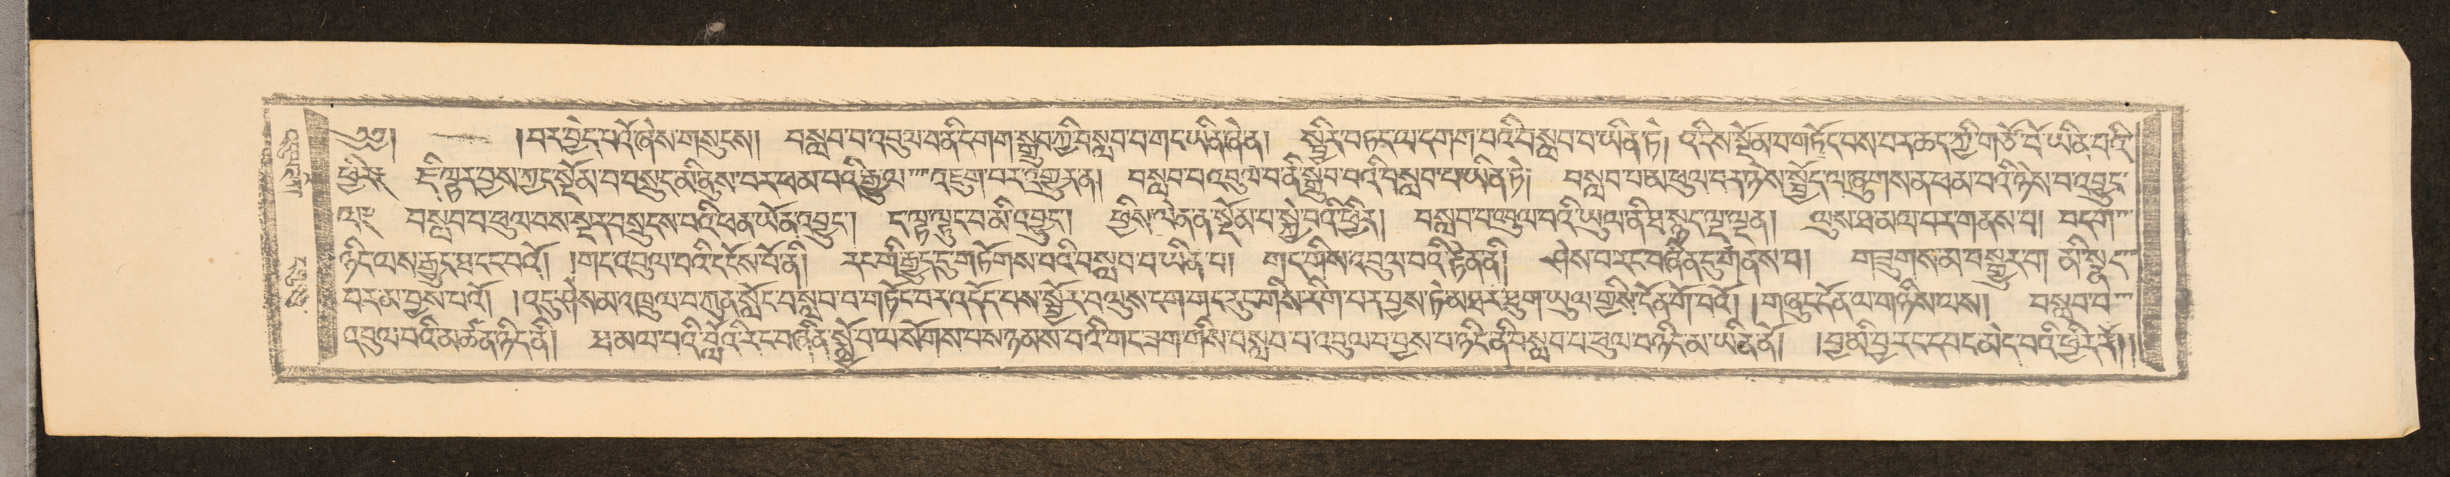༄༅། །པར་བྱེད་པའོ་ཞེས་གསུངས། བསླབ་པ་འབུལ་བ་ནི་དགག་སྒྲུབ་ཀྱི་བསླབ་པ་གང་ཡིན་ཞེ་ན། སྤྱིར་བཏང་ལ་དགག་པའི་བསླབ་པ་ཡིན་ཏེ། འདིས་སྡོམ་པ་གཏོང་བས་བར་ཆད་ཀྱི་གཙོ་བོ་ཡིན་པའི་
ཕྱིར༑ ཇི་ལྟར་བྱས་ཀྱང་སྡོམ་པ་བསྲུང་མི་ནུས་པར་ཕམ་པའི་རྒྱུ་ལ་འཇུག་པར་འགྱུར་ན། བསླབ་པ་འབུལ་བ་ནི་སྒྲུབ་པའི་བསླབ་པ་ཡིན་ཏེ། བསླབ་པ་མ་ཕུལ་བར་ཉེས་སྤྱོང་ལ་ཞུགས་ན་ཕམ་པའི་ཉེས་པ་འབྱུང་
ལ༑ བསླབ་པ་ཕུལ་བས་སྔར་བསྲུངས་པའི་ཕན་ཡོན་འབྱུང་། ད་ལྟ་ལྟུང་བ་མི་འབྱུང་། ཕྱིས་ལེན་ན་སྡོམ་པ་སྐྱེ་བའི་ཕྱིར། བསླབ་པ་འབུལ་བའི་ཡུལ་ནི་ཐ་སྙད་ལྔ་ལྡན། ལུས་ཐ་མལ་བར་གནས་པ། བདག་
ཉིད་ལས་རྒྱུད་ཐ་དད་པའོ། །གང་འབུལ་བའི་དངོས་པོ་ནི། རང་གི་རྒྱུད་དུ་གཏོགས་པའི་བསླབ་པ་ཡིན་པ། གང་གིས་འབུལ་བའི་རྟེན་ནི། ཤེས་པ་རང་བཞིན་དུ་གནས་པ། གཟུགས་མ་བསྒྱུར་བ། མི་སྣང་
པར་མ་བྱས་བའོ། །འདུ་ཤེས་མ་འཁྲུལ་བ་ཀུན་སློང་བསླབ་པ་གཏོང་བར་འདོད་པས་སྦྱོར་བ་ལུས་ངག་གང་རུང་གིས་རིག་པར་བྱས་ཏེ་མཐར་ཐུག་ཡུལ་གྱིས་དོན་གོ་བའོ། །གཞུང་དོན་ལ་གཉིས་ལས། བསླབ་པ་
འབུལ་བའི་མཚན་ཉིད་ནི། ཐ་མལ་བའི་བློའི་རང་བཞིན་སྨྱོ་བ་ལ་སོགས་པས་ཉམས་པའི་གང་ཟག་གིས་བསླབ་པ་འབུལ་བ་བྱས་པ་ཉིད་ནི་བསླབ་པ་ཕུལ་བ་ཉིད་མ་ཡིན་ནོ། །བྱ་མི་བྱ་རང་དབང་མེད་པའི་ཕྱིར་རོ། །